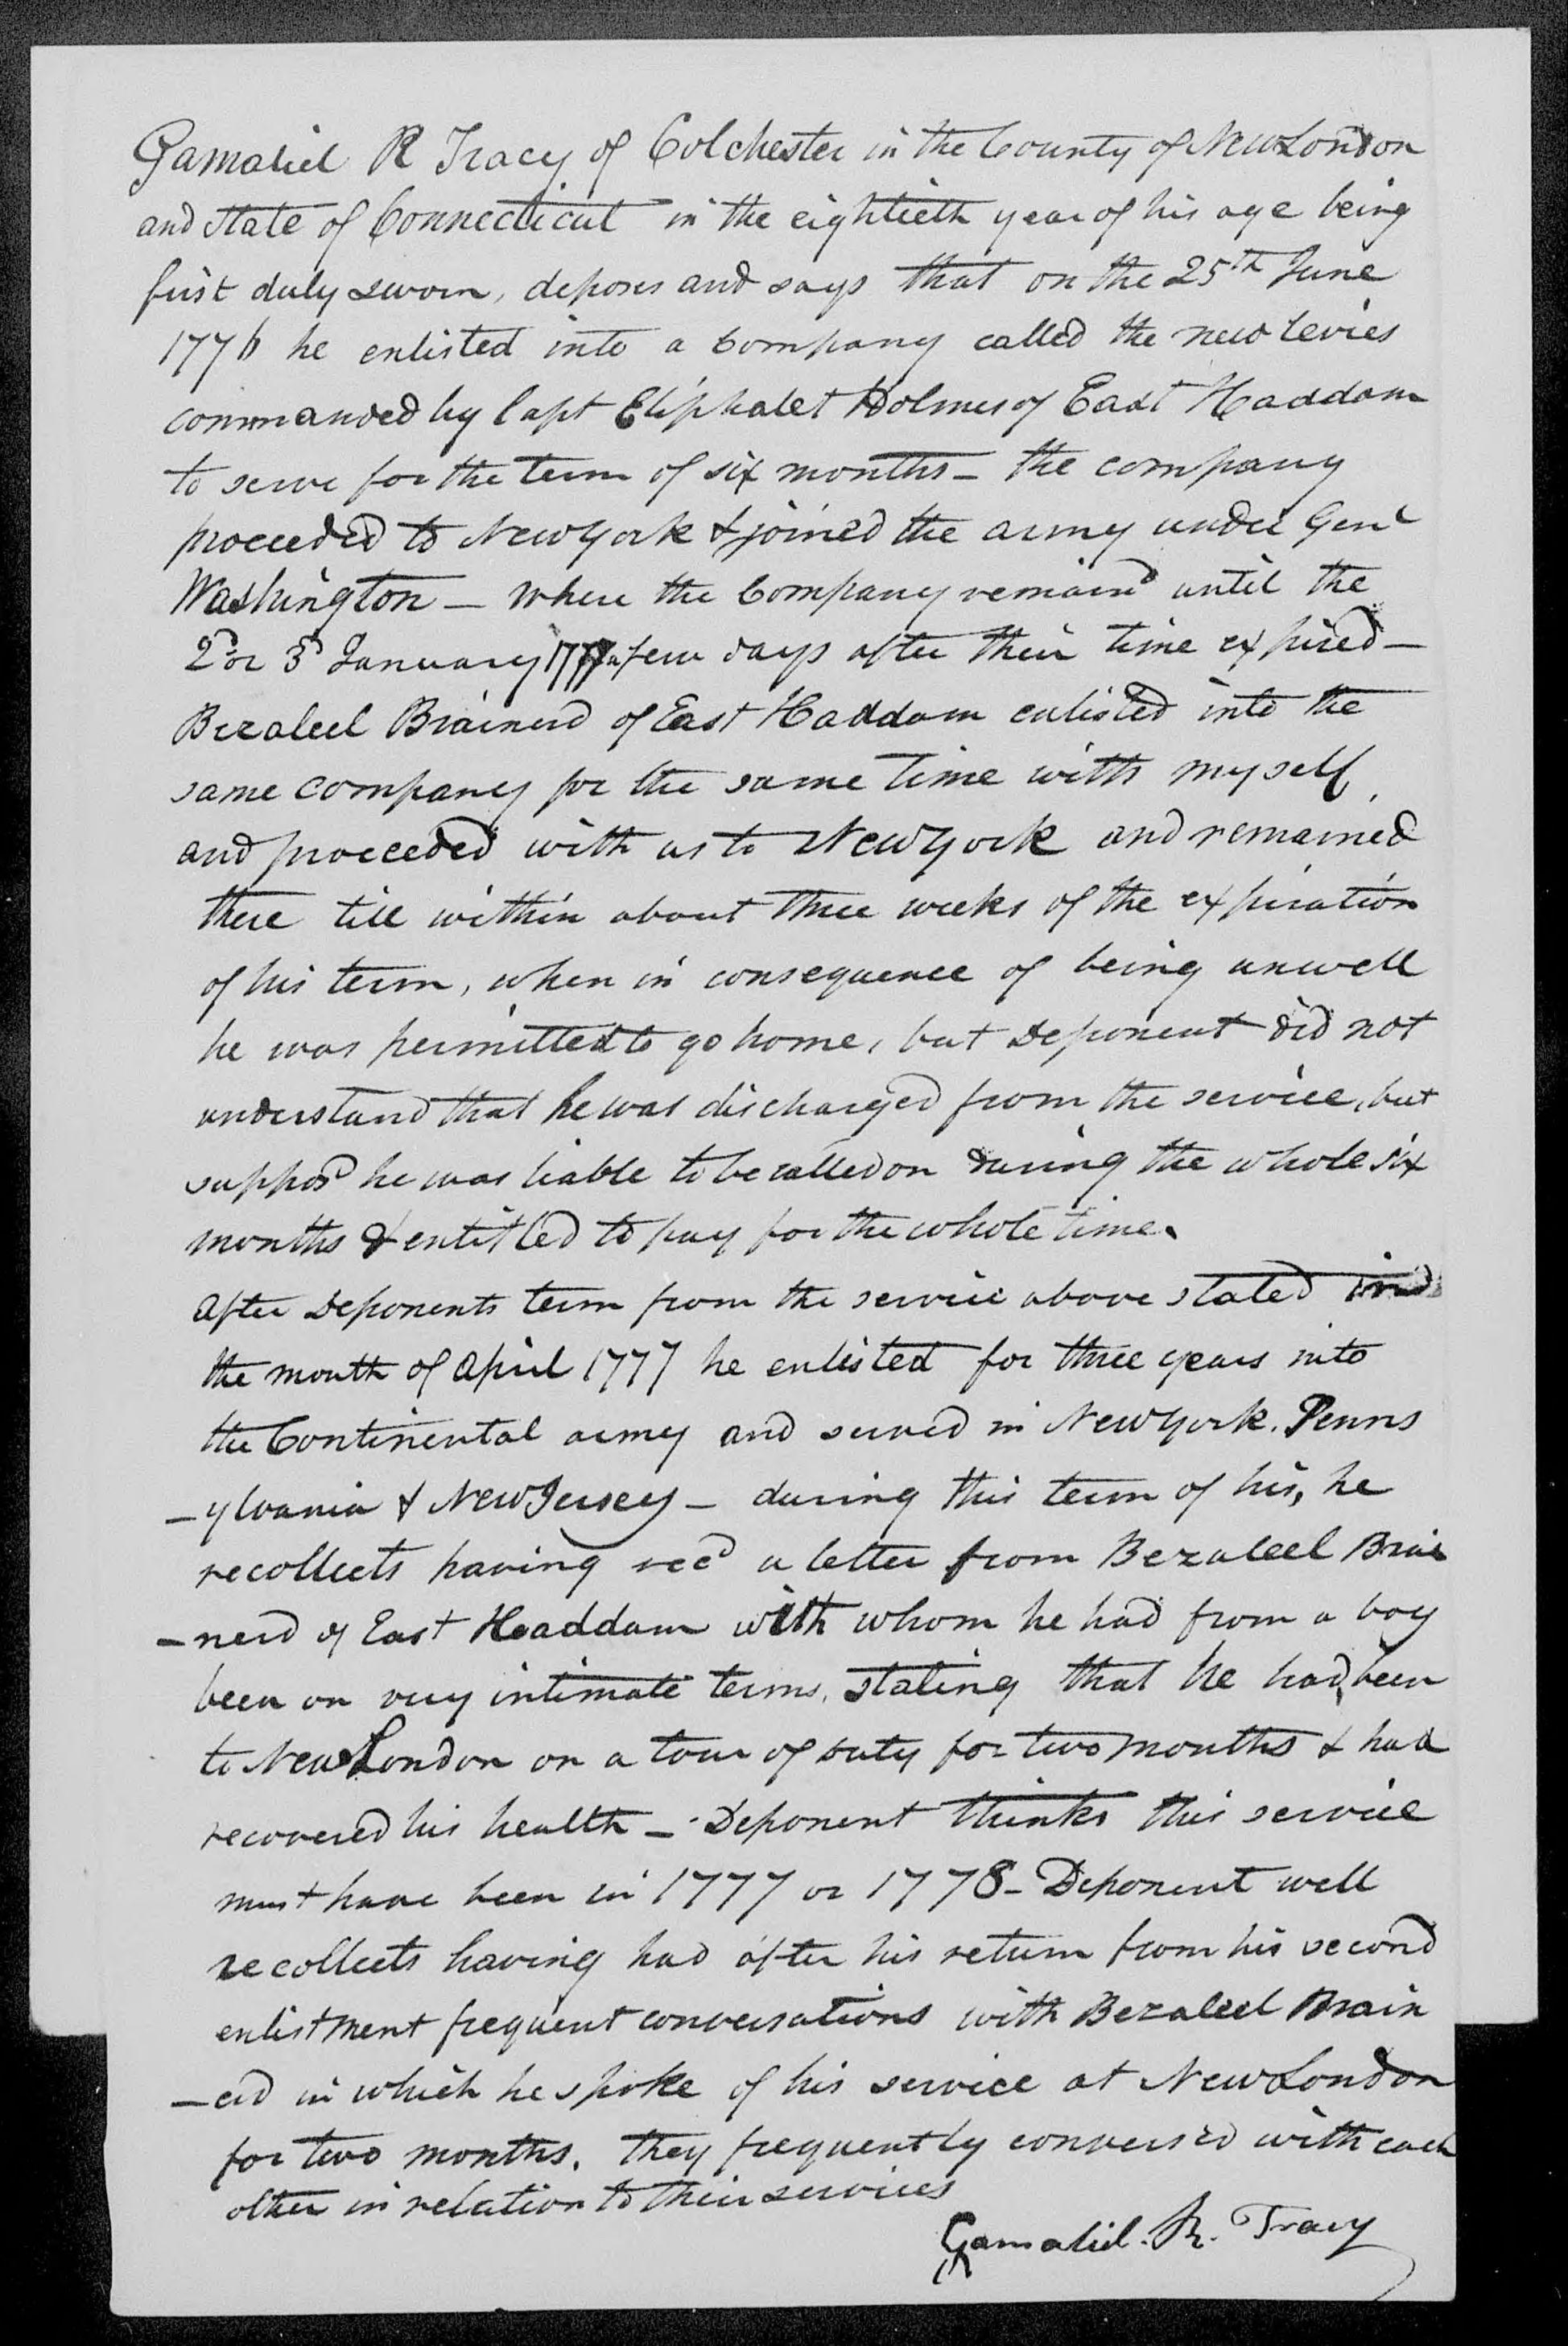Gamaliel R Tracy of Colchester in the County of New London and State of Connecticut in the eightieth year of his age being first duly sworn, deposes and says that on the 25th June 1776 he enlisted into a company called the new levies commanded by Capt Eliphalet Holmes of East Haddam to serve for the term of six months. the company proceeded to New York & joined the army under Genl Washington - Where the company remained until the 2d or 3d January1777 a few days after their time expired. Bezaleel Brainerd [Brainard] of East Haddam enlisted into the same company for the same time with myself and proceeded with us to New York and remained there till within about three weeks of the expiration of his term, when in consequence of being unwell he was permitted to go home, but deponent did not understand that he was discharged from the service, but supposed he was liable to be called on during the whole six months & entitled to pay for the whole time.
After Deponents term from the service above stated in the month of April 1777 he enlisted for three years into the Continental army and served in New York, Pennsylvania & New Jersey - during this term of his, he recollects having recd a letter from Bezaleel Brainerd of East Haddam with whom he had from a boy been on very intimate terms, stating that he had been to New London on a tour of duty for two months & had recovered his health. Deponent thinks this service must have been in 1777 or 1778 - Deponent well recollects having had after his return from his second enlistment frequent conversations with Bezaleel Brainerd in which he spoke of his service at New London for two months, they frequently conversed with each other in relation to their services
[signature] Gamaliel R. Tracy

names: Eliphalet Holmes, Gamaliel R Tracy, Bezaleel Brainerd, Gamaliel R Tracy, Bezaleel Brainerd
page: 24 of 25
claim: widow's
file: W. 23,671, Bezaleel Brainard, Conn.